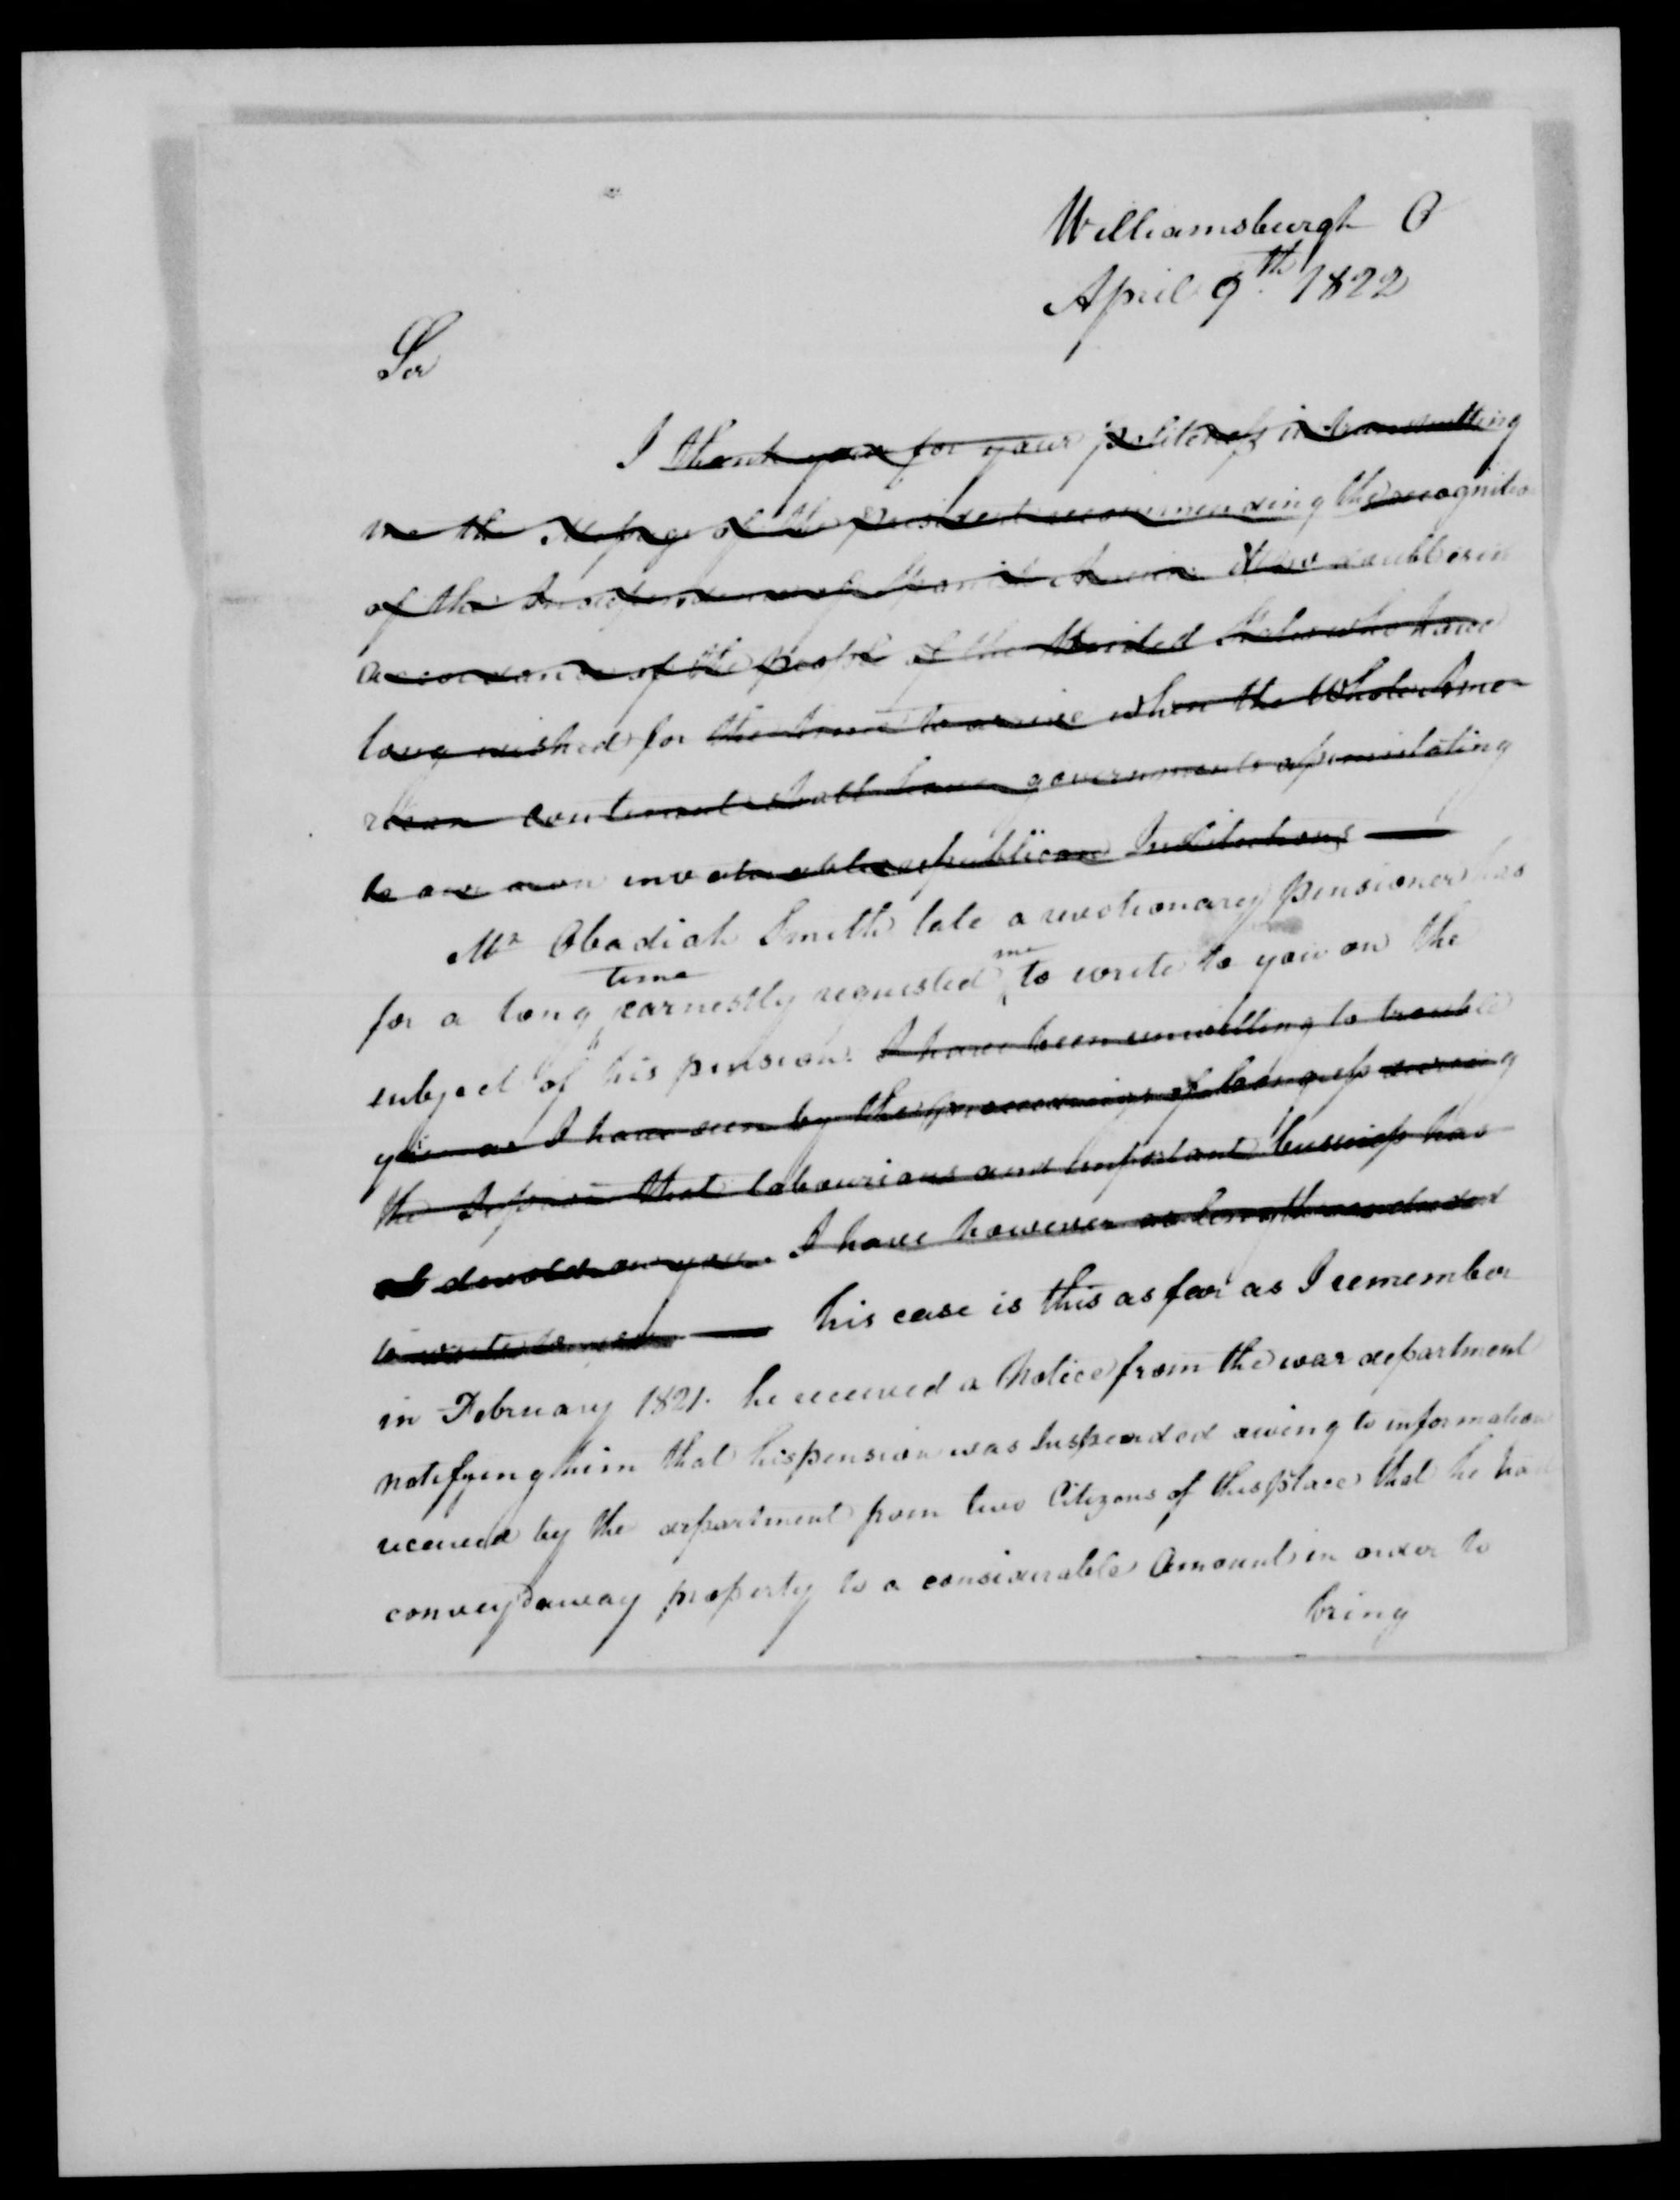Williamsburgh Ohio April 9th 1822 
Sir 
[the first seven lines of this letter were crossed out] 
Mr Obadiah Smith late a revolutionary pensioner for a long time earnestly requested me to write to you on the subject of his pension. [the next sentence, over four lines, is crossed out] 
his case is this as far as I remember 
in February 1821 he received a notice from the war department notifying him that his pension was suspended owing to information received by the department from two Citizens of this place that he had conveyed away property to a considerable Amount in order to bring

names: Obadiah Smith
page: 37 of 66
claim: survivor's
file: S 40458, for Obadiah Smith, New York